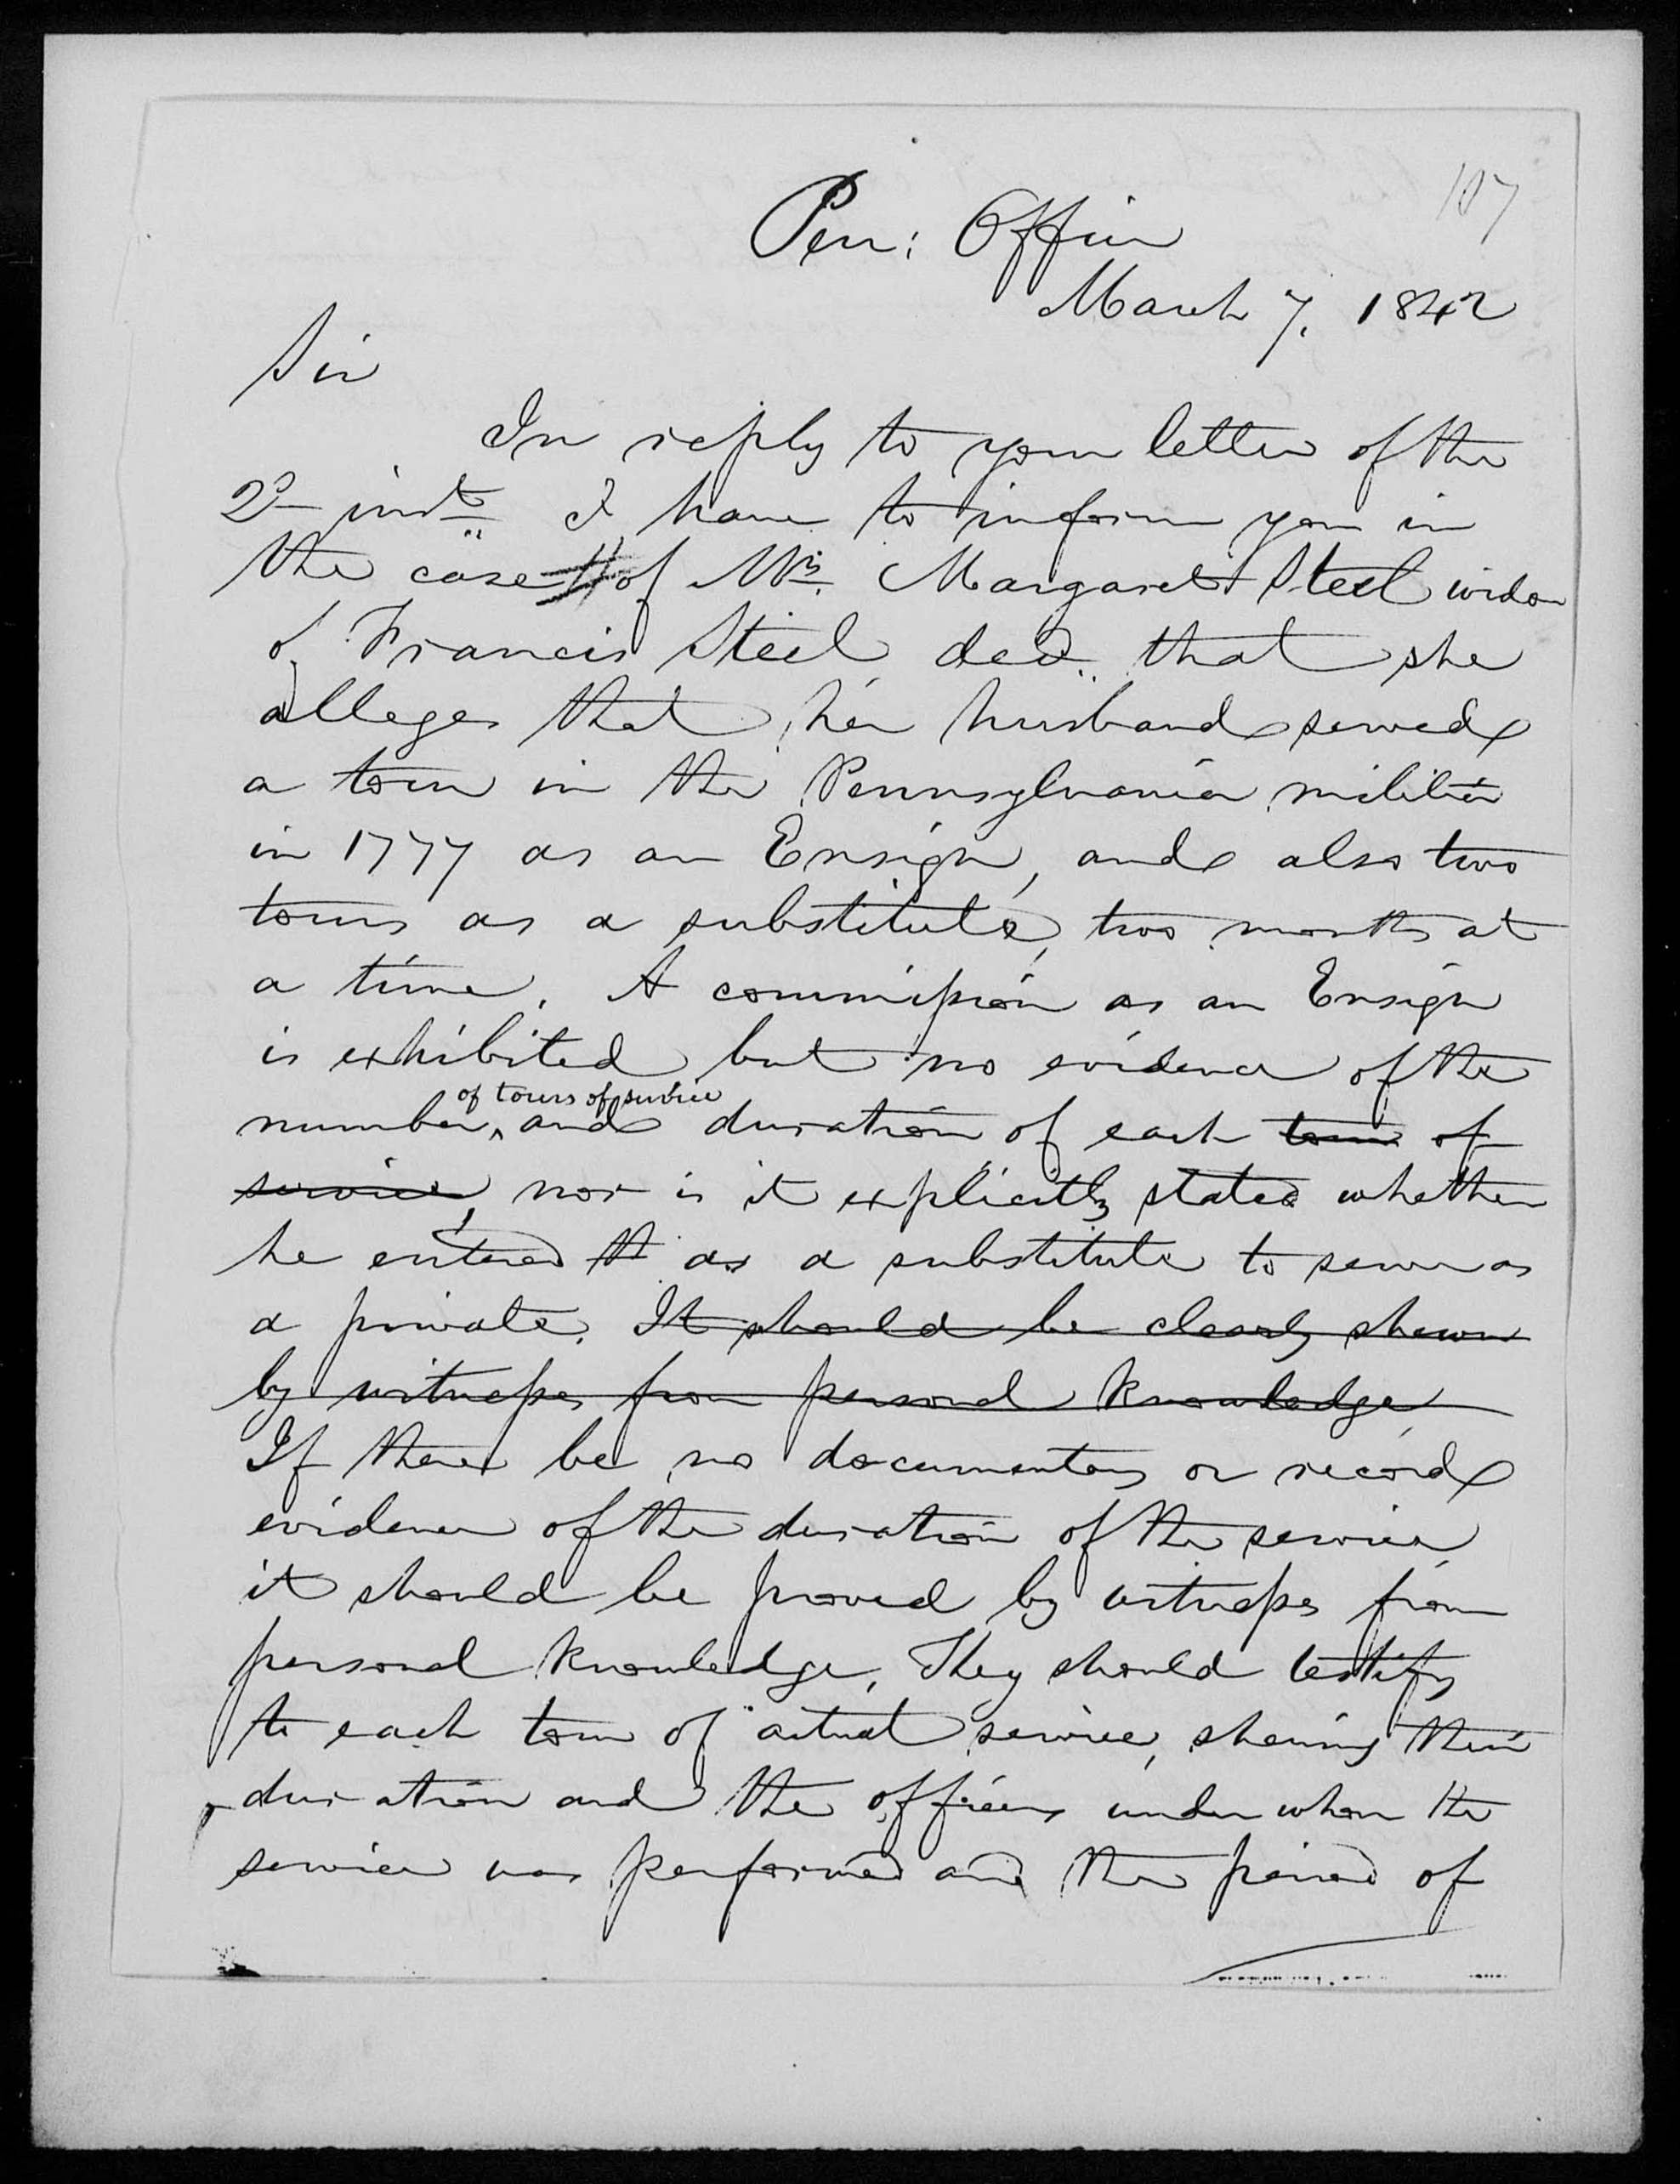Pension Office
March 7. 1842
Sir
In reply to your letter of the (word is not legible) I have to inform you in the case#of Mrs. Margaret Steel widow of Francis Steel, did that she alleges that her husband served a tour in the Pennsylvania militia in 1777 as an Ensign, and also two tours as a substitute two months at a time. A commission as an Ensign is exhibited but no evidence of the number of terms of service duration of each tour of service, nor is it explicitly stated whether he entered as a substitute to serve as a private. The next sentence was lined through: it should be closely shown by witness from personal knowledge if there be no documentary or record evidence of the duration of his service it should be proved by witnesses from personal knowledge. They should testify to each tour of actual service, showing the duration and the officers under whom the service was performed  and the period of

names: Francis Steel, Margaret Steel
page: 18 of 80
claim: widow's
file: W. 24117, John Elder, Penn.